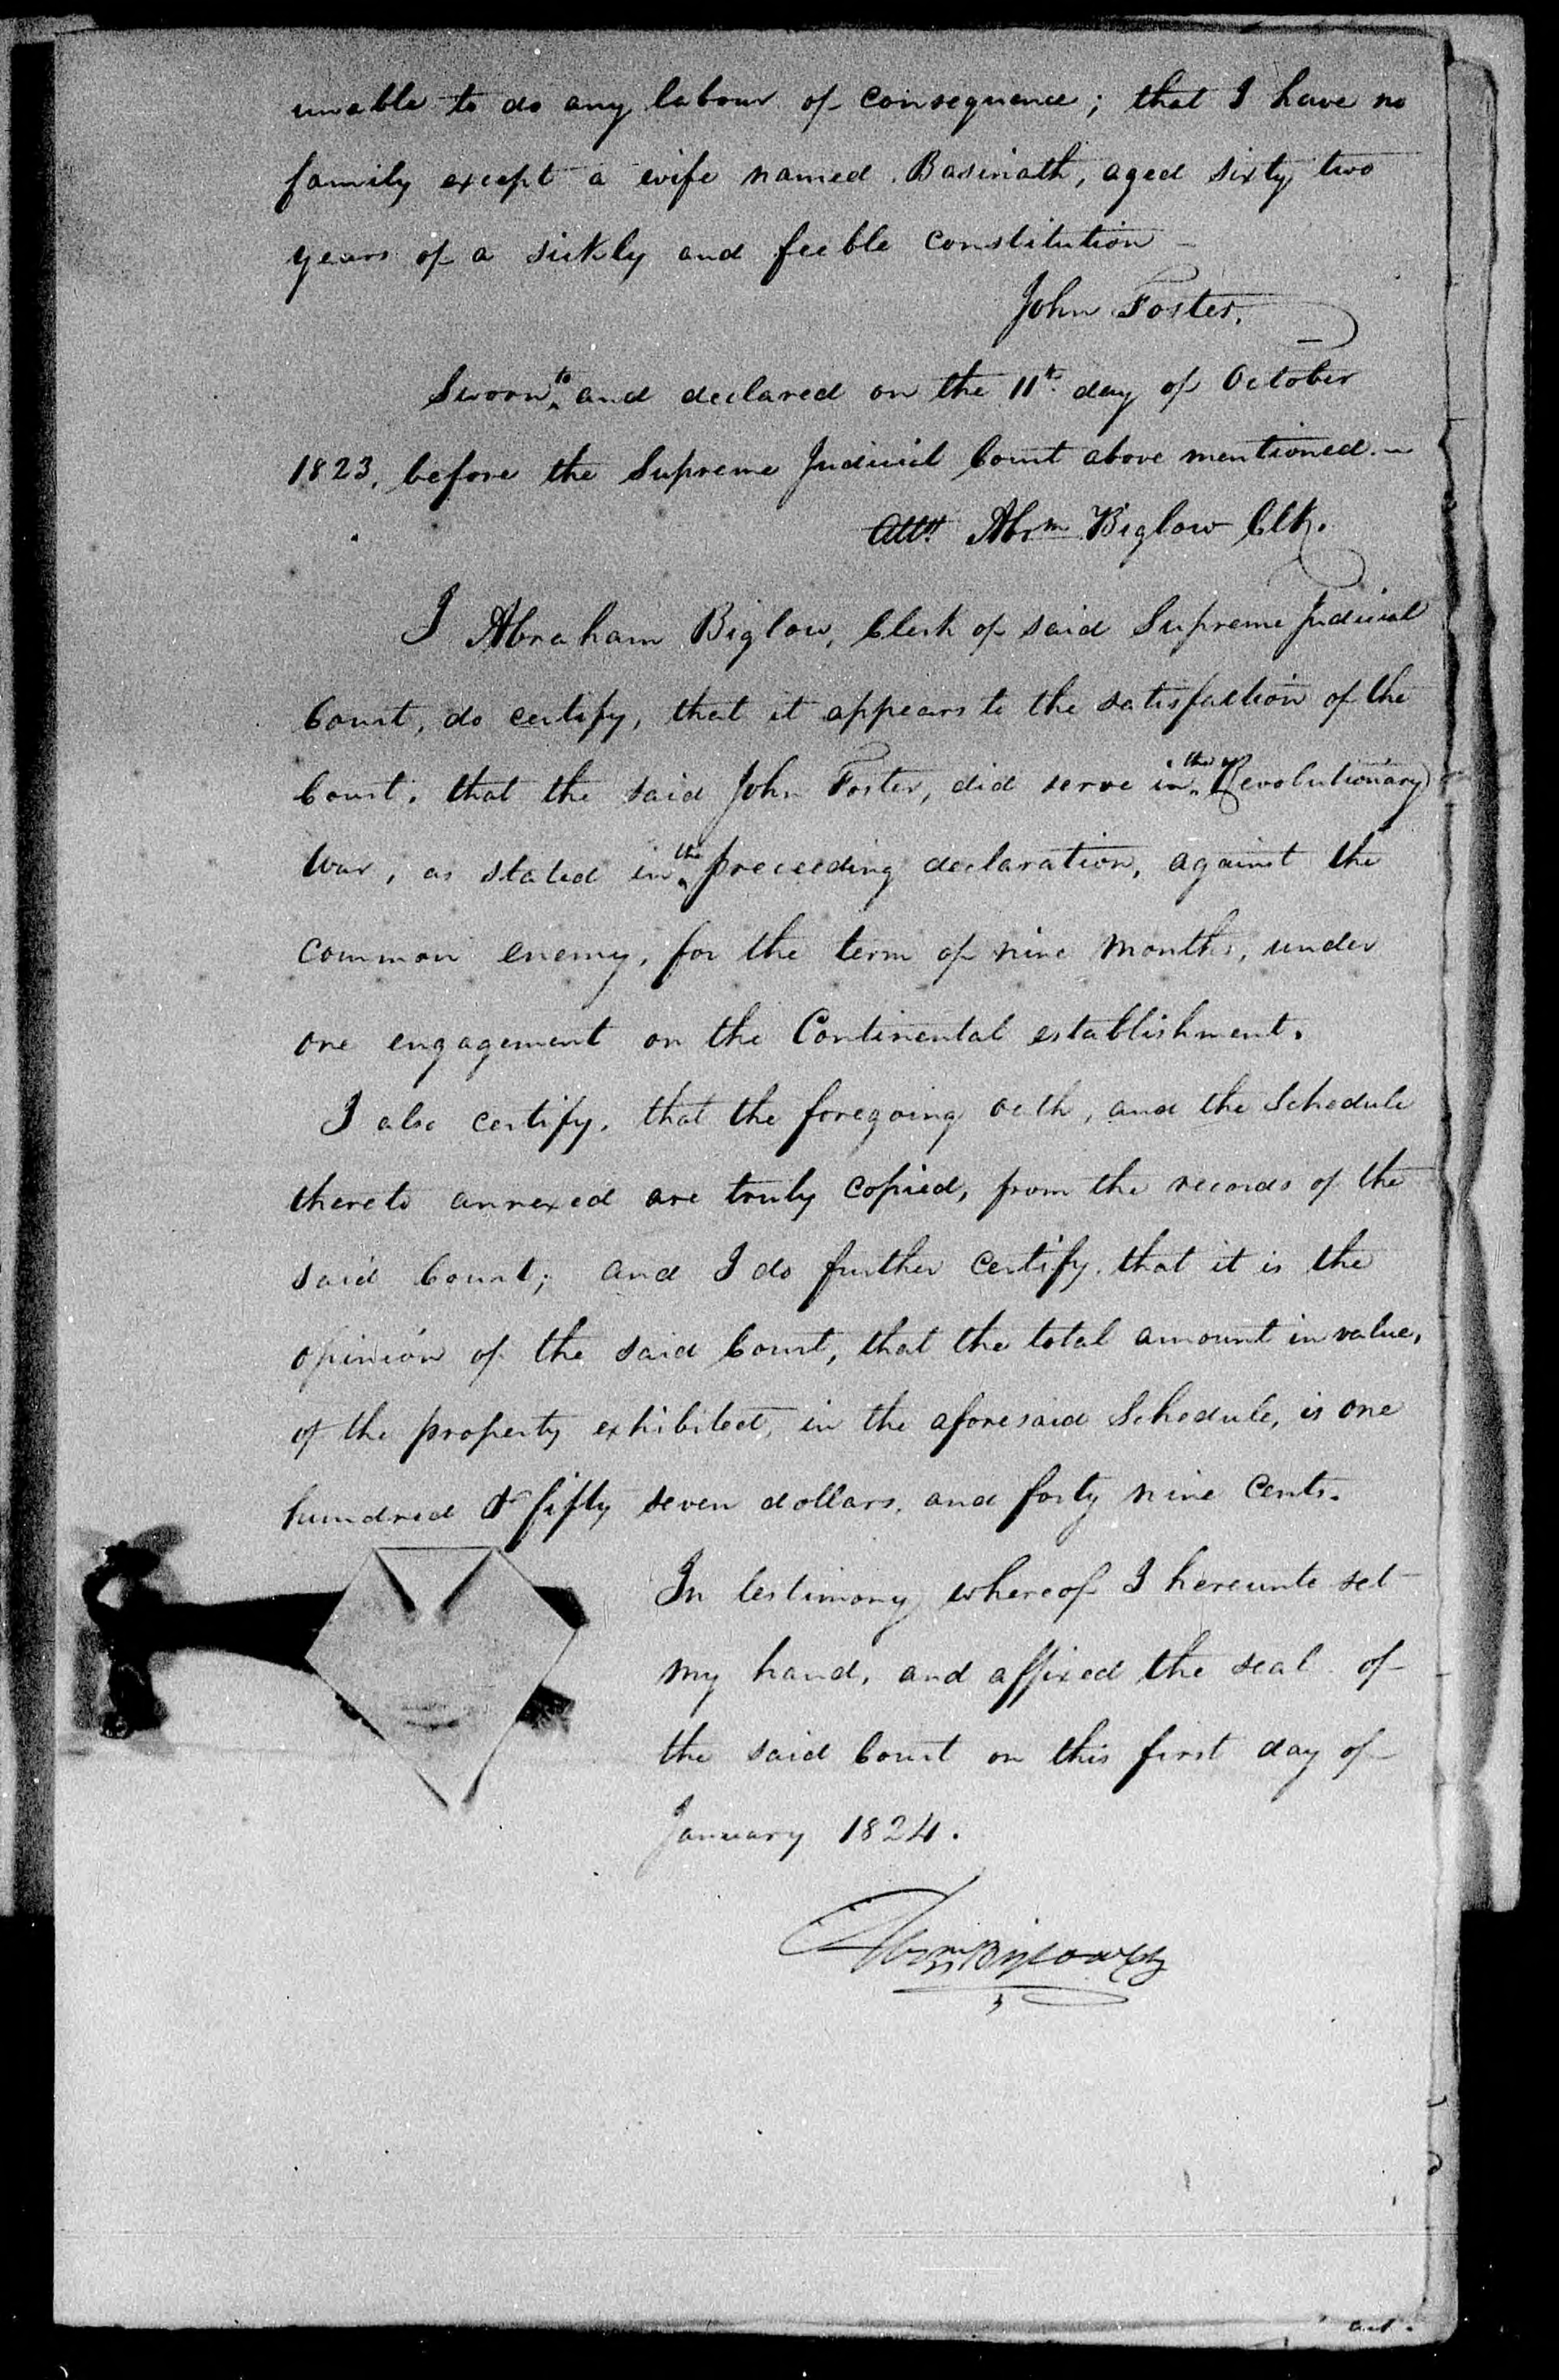unable to do any labor of consequence; that I have no family except a wife named Basinath, aged 62 years of a sickly and feeble constitution. John Foster
Sworn to and declared on the 11 Oct 1823 before the Supreme Judicial Court above mentioned.
Attest, Abraham Biglow Clerk
I, Abraham Biglow, Clerk of said Supreme Judicial Court, do certify, that it appears to the satisfaction of the court that the said John Foster did serve in the Revolutionary War as stated in the preceeding declaration against the common enemy for the term of 9 months under one engagement on the Continental establishment. I also certify that the foregoing oath and the schedule thereto annexed are truly copied from the records of the said Court and I do further certify that it is in the opinion of the said Court that the total amount in value of the property exhibited in the aforesaid schedule is $157.49.
In testimony whereof I hereunto set my hand and affixed the seal of the said Court on this first day of January 1824. 
Abraham Biglow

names: Abrm Biglow, John Foster, John Foster, Abrm Biglow, Abraham Biglow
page: 29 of 47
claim: widow's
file: W. 7,302, John Foster, Continental Mass. R.I.